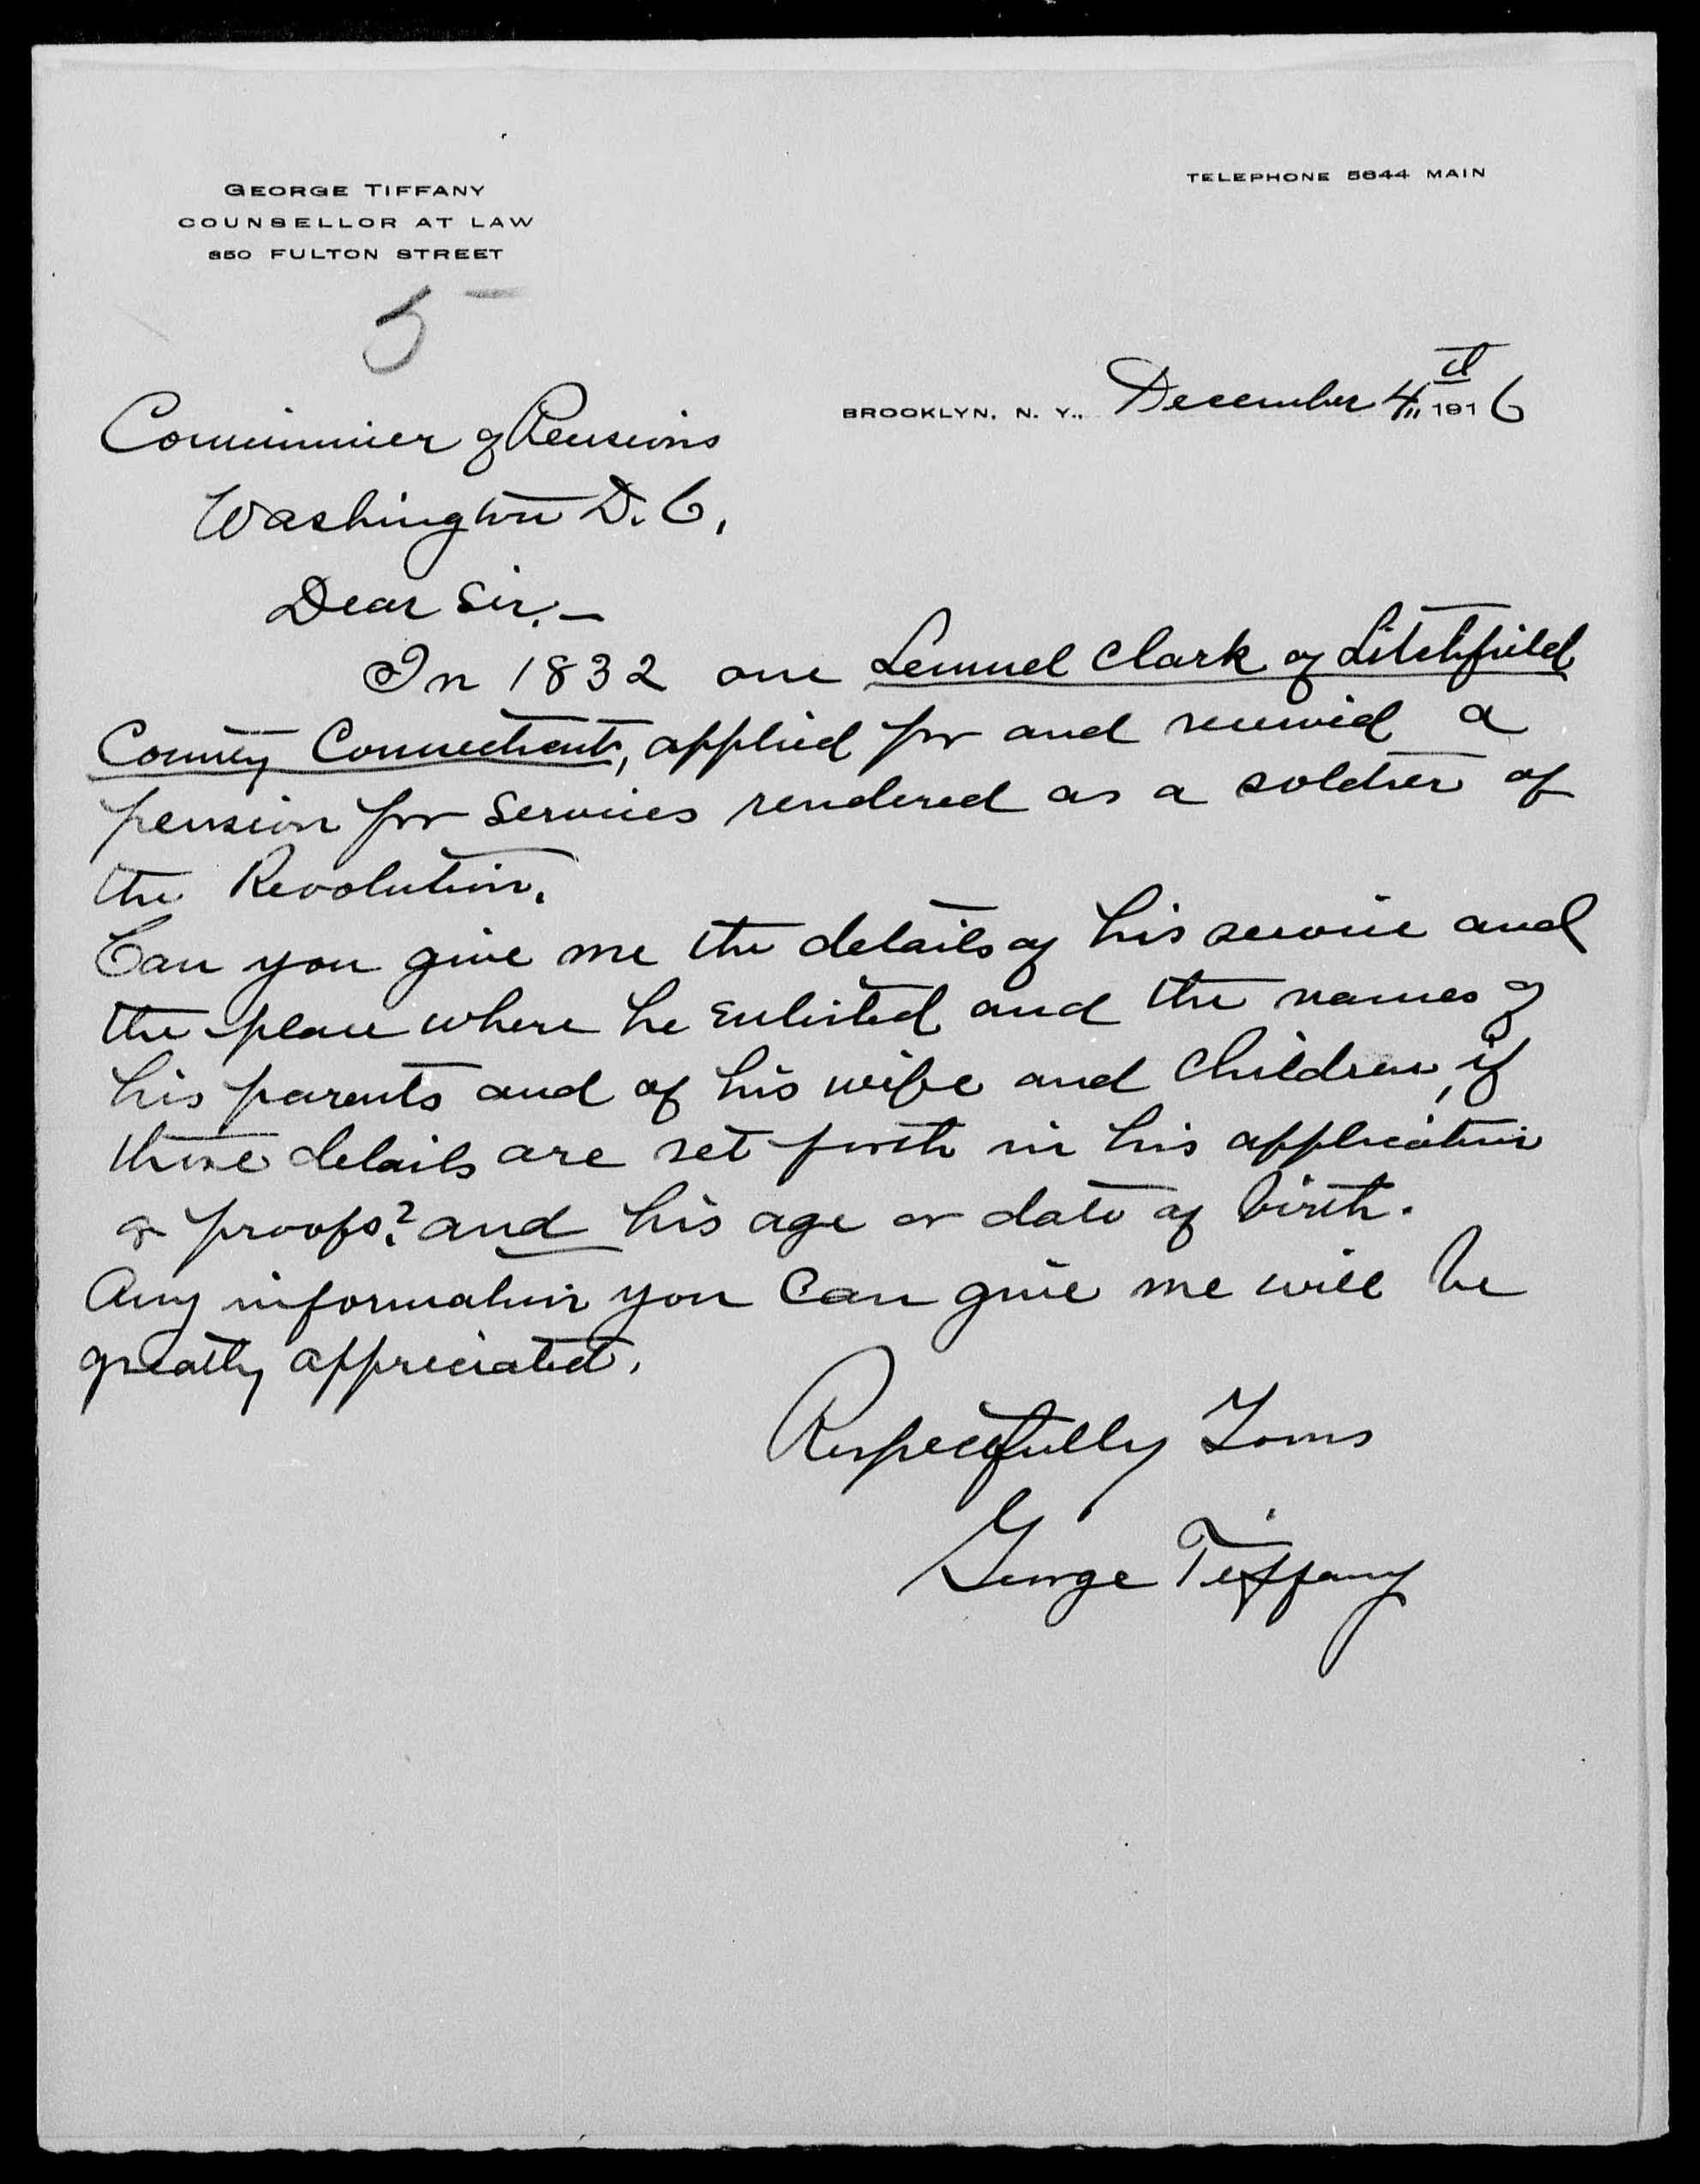GEORGE TIFFANY COUNSELLOR AT LAW 380 FULTON STREET 
TELEPHONE 5344 MAIN . 

BROOKLYN , N.Y. December 4th, 1916
Commissioner of Pensions Washington D.C. 

Dear Sir - In 1832 one Lemuel Clark of Litchfield County Connecticut, applied for and received a pension for services rendered as a soldier of the Revolution, 

Can you give me the details of his service and the place where he enlisted and the names of his parents and of his wife and children if these details are set forth in his application & proofs and his age or date of birth. Any information you can give me will be greatly appreciated. 
Respectfully yours George Tiffany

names: George Tiffany, George Tiffany, Lemuel Clark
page: 22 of 48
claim: survivor's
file: S. 17343, Lemuel Clarke, Mass.